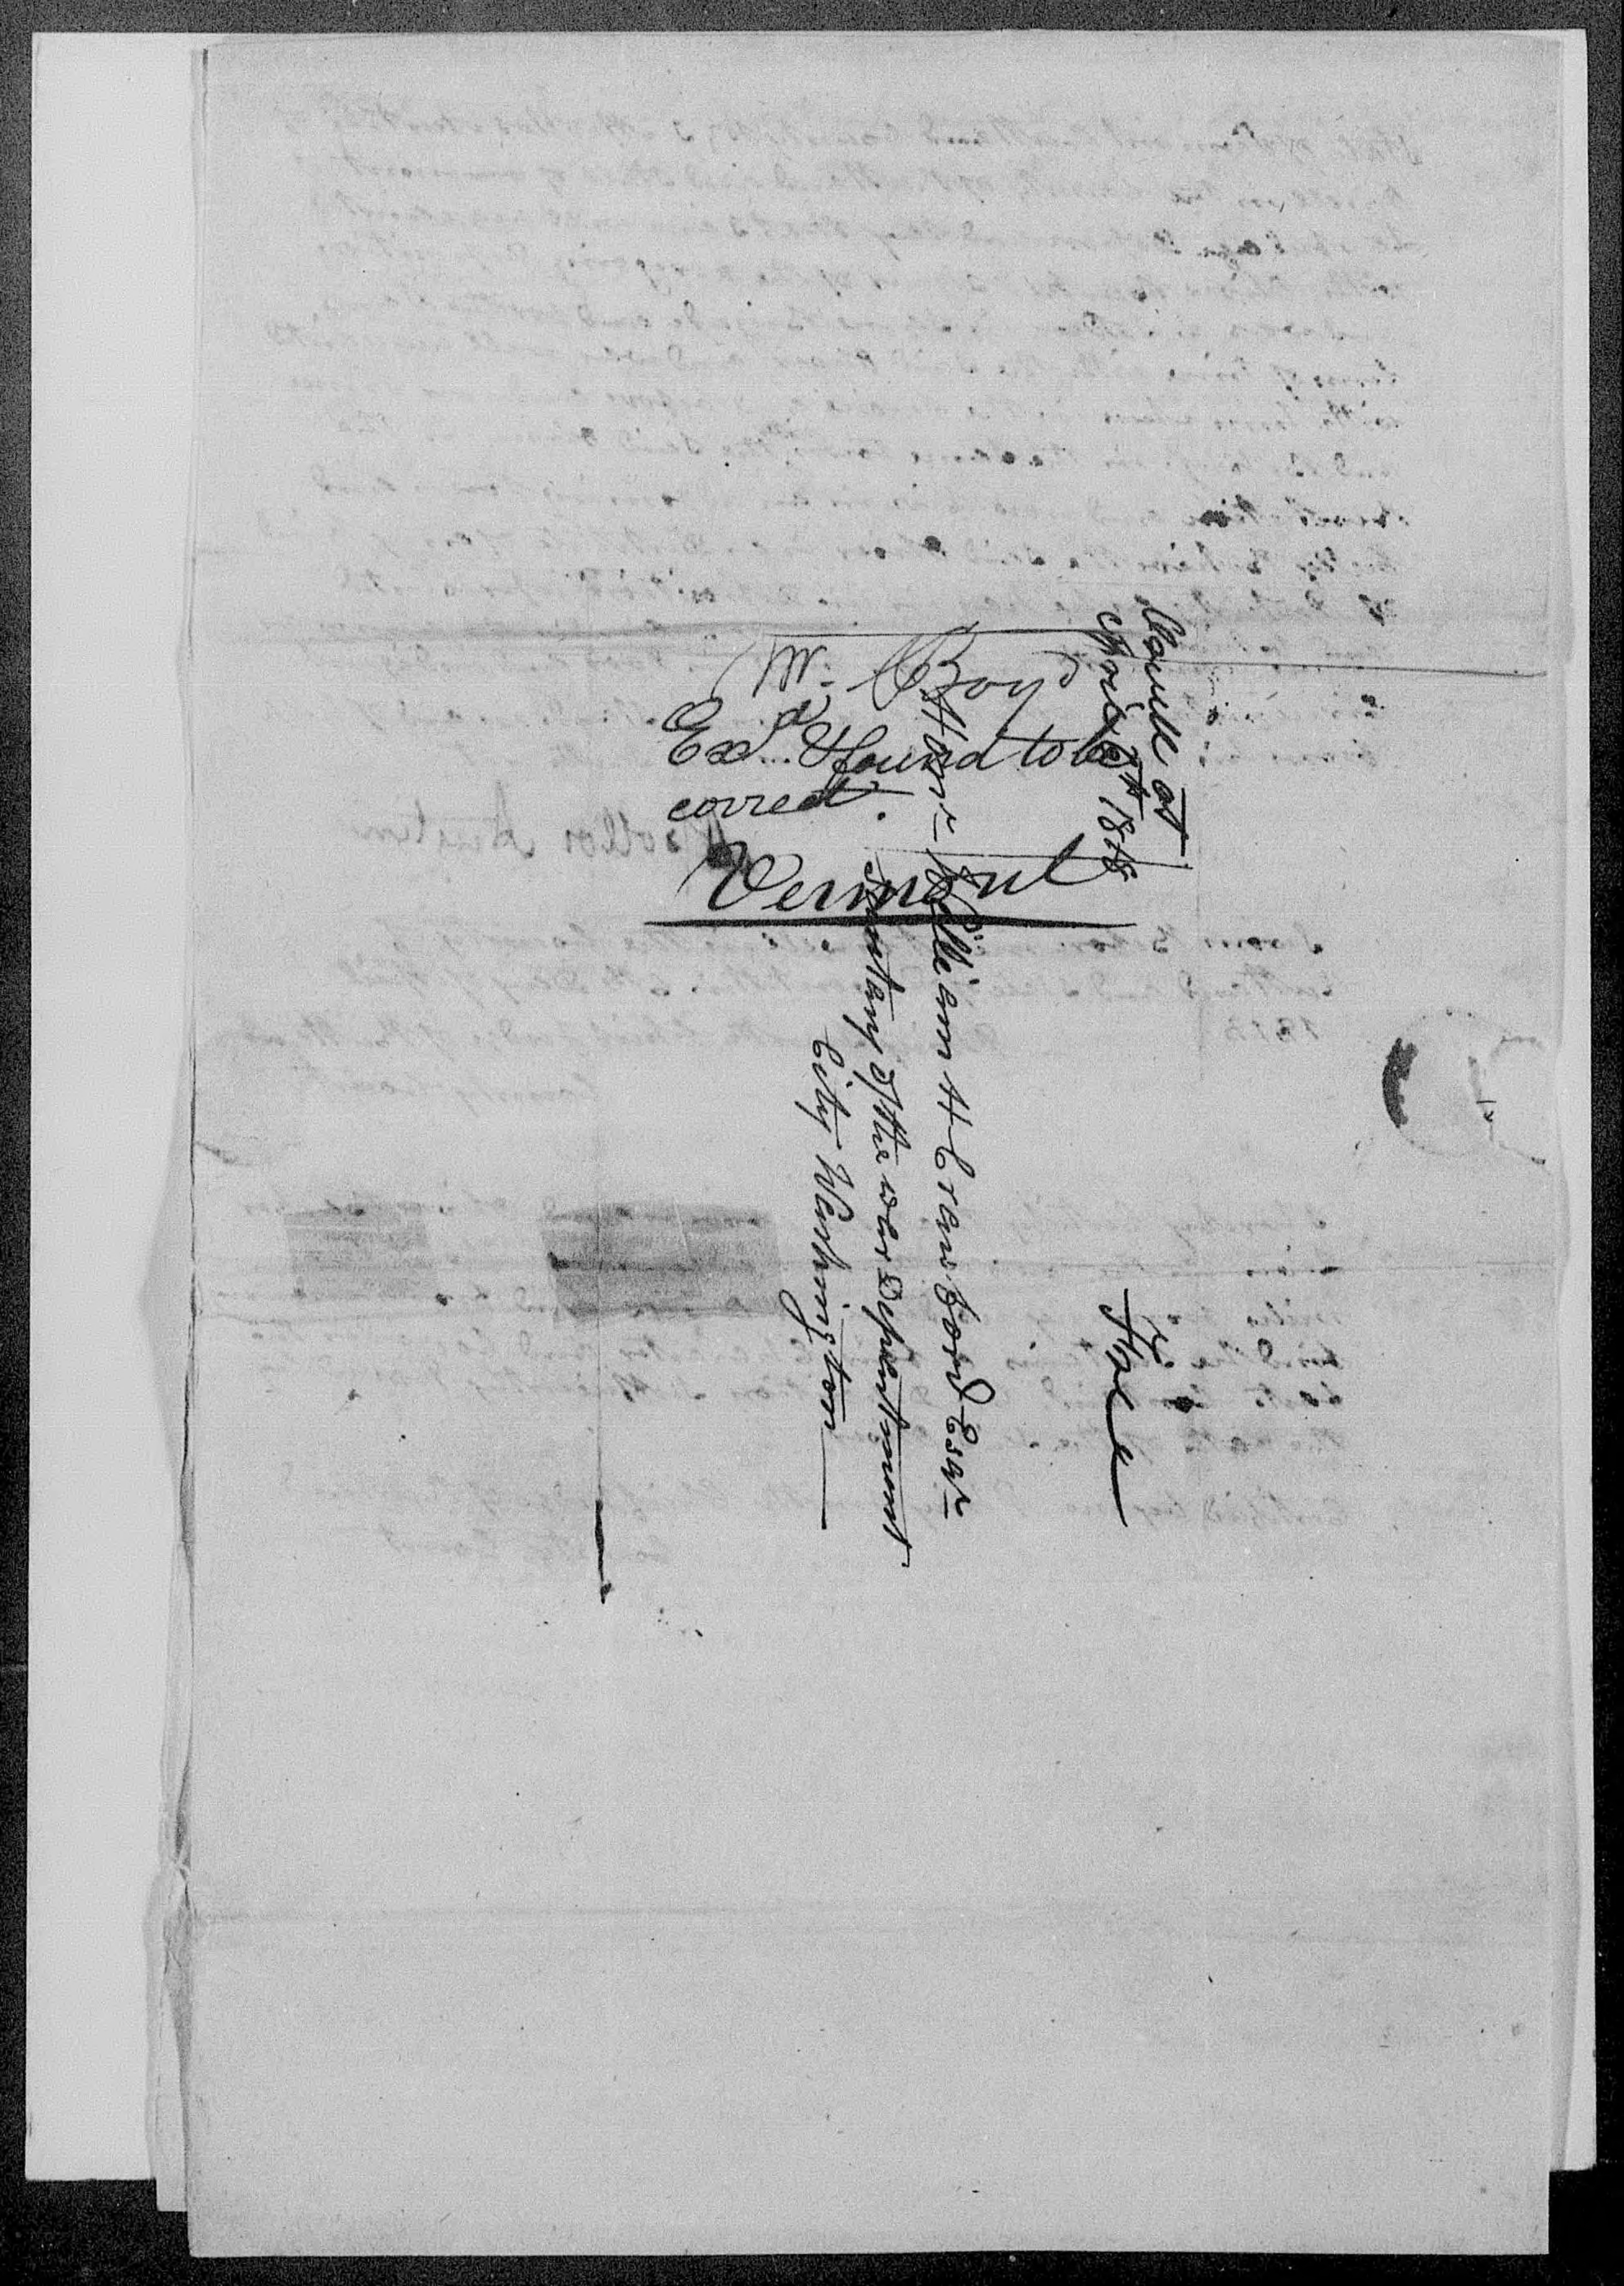Crawford act April 18 1818
Mr. Boyd 
Exm’d & found to be correct 
Vermont 
Free
William H Crawford Esqr 
Secretary of the War Department 
City Washington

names: Boyd, William H Crawford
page: 49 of 51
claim: widow's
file: W. 1698, Oliver Barker, Conn.